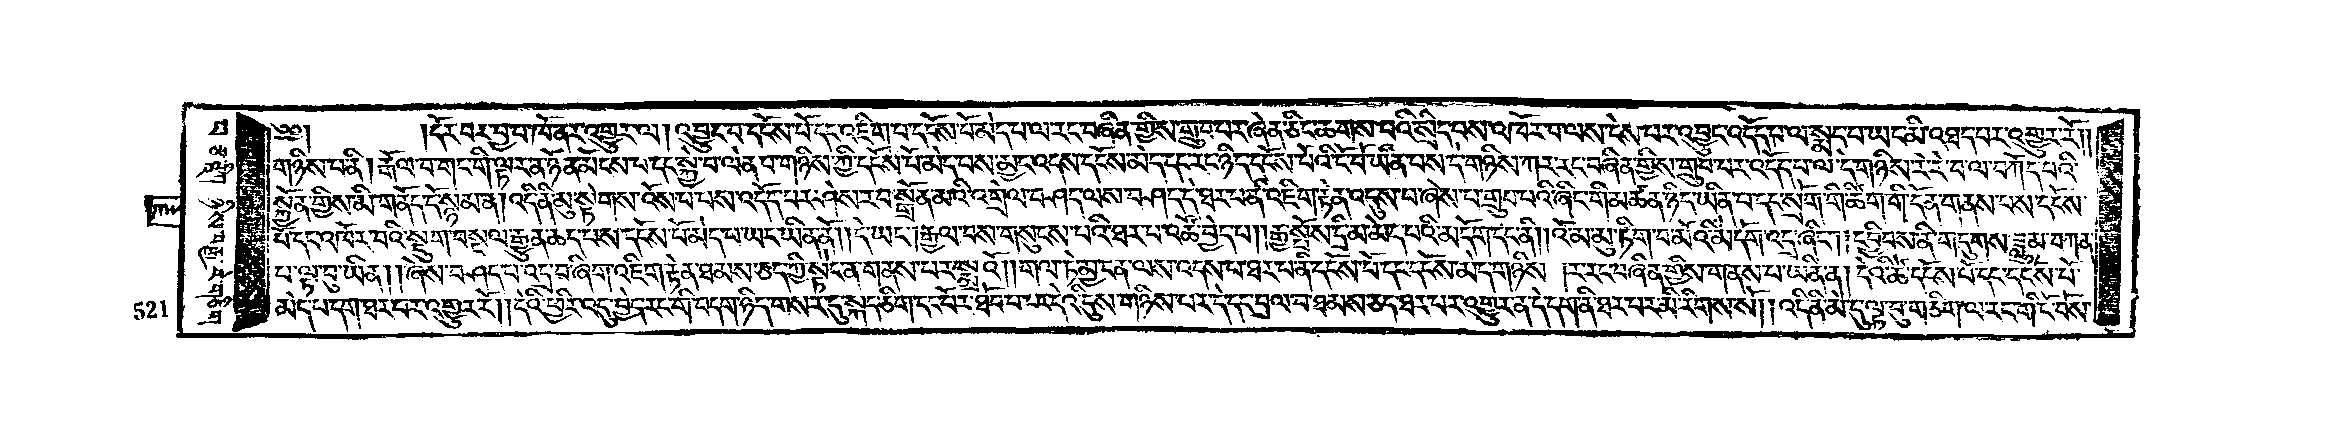༄༅། །དོར་བར་བྱ་བ་ཁོ་ནར་འགྱུར་ལ། འབྱུང་བ་དངོས་པོ་དང་འཇིག་པ་དངོས་པོ་མེད་པ་ལ་རང་བཞིན་གྱིས་གྲུབ་པར་ཞེན་ཅིང་ཆགས་པའི་སྲེད་བས་ལ་འཁོར་བ་ལས་ངེས་པར་འབྱུང་འདོད་པ་ལ་སྨད་པ་ཡང་མི་འཐད་པར་འགྱུར་རོ།།
གཉིས་པ་ནི། རྒོལ་བ་གང་གི་ལྟར་ན་ཉོན་མོངས་པ་དང་སྐྱེ་བ་ལེན་པ་གཉིས་ཀྱི་དངོས་པོ་མེད་པས་མྱང་འདས་དངོས་མེད་དང་རང་ཉིད་དངོས་པོའི་ངོ་བོ་ཡིན་པས་དེ་གཉིས་ཀར་རང་བཞིན་གྱིས་གྲུབ་པར་འདོད་པ་ལ་དེ་གཉིས་རེ་རེ་བ་ལ་བཀོད་པའི་
སྐྱོན་གྱིས་མི་གནོད་དོ་སྙམ་ན། འདི་ནི་མུ་སྟེགས་འོས་པ་པས་འདོད་པར་ཤེས་རབ་སྒྲོན་མའི་འགྲེལ་བཤད་ལས་བཤད་དེ་ཐར་པ་ནི་འཇིག་རྟེན་འདུས་པ་ཞེས་པ་གྲུབ་པའི་ཞིང་གི་མཚན་ཉིད་ཡིན་པ་དང་སྲོག་གི་ཚིག་གི་དོན་གནས་པས་དངོས་
པོ་དང་འཁོར་བའི་སྡུག་བསྔལ་རྒྱུན་ཆད་པས་དངོས་པོ་མེད་པ་ཡང་ཡིན་ནོ། །དེ་ཡང་། རྒྱལ་བས་གསུངས་པའི་ཐར་པ་འཚོ་བྱེད་པ། །རྒྱ་སྤོས་དྲི་མ་མེད་པའི་མདོག་དང་ནི། །འོ་མ་མུ་ཏིག་བ་མོའི་མདོག་འདྲ་ཞིང་། །དབྱིབས་ནི་གདུགས་ཟླུམ་བཀན་
པ་ལྟ་བུ་ཡིན། །ཞེས་བཤད་པ་འདྲ་བ་ཞིག་འཇིག་རྟེན་ཐམས་ཅད་ཀྱི་སྟེང་ན་གནས་པར་སྨྲའོ། །གལ་ཏེ་མྱ་ངན་ལས་འདས་པ་ཐར་པ་ནི་དངོས་པོ་དང་དངོས་མེད་གཉིས་ཀར་རང་བཞིན་གྱིས་གནས་པ་ཡིན་ན། དེའི་ཚེ་དངོས་པོ་དང་དངོས་པོ་
མེད་པ་དག་ཐར་པར་འགྱུར་རོ། །དེའི་ཕྱིར་འདུ་བྱེད་རང་གི་བདག་ཉིད་གསར་དུ་སྐད་ཅིག་དང་པོར་ཐོབ་པ་དང་དེའི་དུས་གཉིས་པར་དེ་དང་བྲལ་བ་ཐམས་ཅད་ཐར་པར་འགྱུར་ན་དེ་དག་ནི་ཐར་པར་མི་རིགས་སོ། །འདི་ནི་མེ་དུ་ལྟ་བུ་གཅིག་ལ་རང་གི་ངོ་བོས་